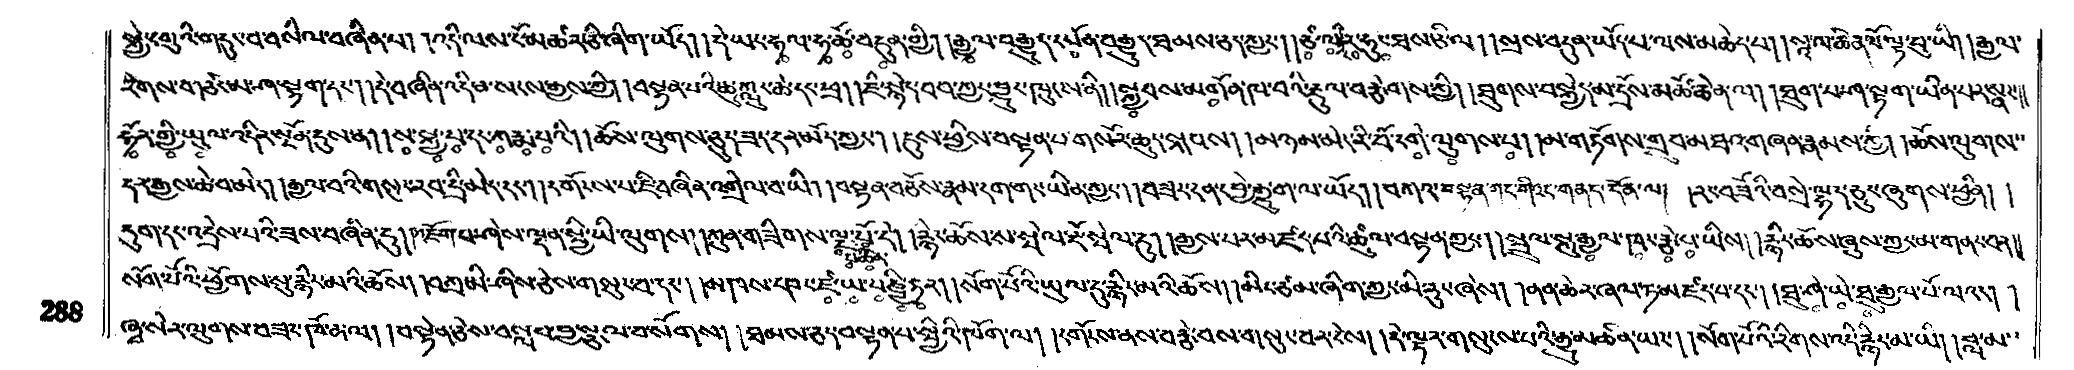སྐྱེ་དགུའི་གདུང་བ་བསིལ་བཞིན་པ། །འདི་ལས་ངོ་མཚར་ཅི་ཞིག་ཡོད། །དེ་ཡང་ཧལ་ཧ་ཚོ་བདུན་གྱི། །རྒྱལ་བརྒྱུད་དཔོན་བརྒྱུད་ཐམས་ཅད་ཀྱང་། །ཙ་ལཱར་ཧུང་ཐས་ཅི་ལ། །སྲས་བདུན་ཡོད་པ་ལས་མཆེད་པ། །སཱ་ལ་ཆེན་པོ་ལྟ་བུ་ཡི། །རྒྱལ་
རིགས་གཙང་མ་ཤ་སྟག་དང་། །དེ་བཞིན་འདི་ན་སངས་རྒྱས་ཀྱི། །བསྟན་པའི་ཆུ་ཀླུང་ཆེ་དང་ཕྲ། །ཇི་སྙེད་བབ་ཀྱང་བྱུང་ཁུངས་ནི། །སྐྱབས་མགོན་ཁ་པའི་རྡུལ་བརྩེགས་ཀྱི། །ཐུགས་བསྐྱེད་མ་དྲོས་མཚོ་ཆེན་ལ། །ཐུགས་པ་ཤ་སྟག་ཡིན་པར་སྣང།།
ཧོར་གྱི་ཡུལ་འདིར་སྔོན་དུས་ན། །ས་སྐྱ་པ་དང་ཀརྨ་པའི། །ཆོས་ལུགས་ཅུད་ཟད་དར་མོད་ཀྱང་། །དུས་ཕྱིས་བསྟན་པ་གསོར་ཆུད་སྐབས། །མཉམ་མེད་རི་བོ་དགེ་ལུགས་པ། །མ་གཏོགས་གྲུབ་མཐའ་གཞན་རྣམས་ཀྱི། །ཆོས་ལུགས་
དར་རྒྱས་ཆེ་བ་མེད། །རྒྱལ་བའི་གསུང་རབ་དྲི་མེད་དང་། །དགོངས་པ་ཇི་བཞིན་འགྲེལ་བ་ཡི། །བསྟན་བཅོས་རྣམ་དག་གང་ཡིན་ཀྱང་། །བཟང་ངན་དབྱེ་རྒྱུ་ག་ལ་ཡོད། །བཀའ་བསྟན་གང་གིའང་གནད་དོན་ལ།  །རང་བཟོའི་བསྲེ་ལྷད་ཅུང་ཞུགས་ཕྱིན། །
དུག་དང་འདྲེས་པའི་ཟས་བཞིན་དུ། །འཇོག་པ་ཤེས་ལྡན་སྤྱི་ཡི་ལུགས། །ཀུན་གཟིགས་ལྔ་པ་ཆེན་པོ་དེ། །རྙེད་ཆོས་ས་སྤེལ་རྡོ་སྤེལ་དུ། །རྒྱས་པར་མཛད་པའི་ཚུལ་བསྟན་ཀྱང་། །སྤྲུལ་སྐུ་རྒྱལ་ཁང་རྩེ་པ་ཡིས། །རྙིང་ཆོས་ཞུས་ཀྱང་མ་གནང་བར།།
སོག་པོའི་ཕྱོགས་སུ་རྙིང་མའི་ཆོས། །བཀྲ་མི་ཤིས་ཅེས་གསུང་བ་དང་། །མཁས་དབང་ཛ་ཡ་པཎྜྱི་ཏར། །སོག་པོའི་ཡུལ་དུ་རྙིང་མའི་ཆོས། །མིང་ཙམ་ཞིག་ཀྱང་མི་རུང་ཞེས། །ནན་ཆེར་ཞལ་ཏ་མཛད་པ་དང་། །ཐུ་ཤེ་ཡེ་ཐུ་རྒྱལ་བོ་ལའང་། །
ཞྭ་སེར་ལུགས་བཟང་ཁོ་ན་ལ། །བསྟེན་ཅེས་བསླབ་བྱ་སྩལ་བ་སོགས། །ཐམས་ཅད་བསྟན་པ་སྤྱིའི་ཁོག་ལ། །དགོངས་ནས་བརྩེ་བས་གསུང་བར་ངེས། །དེ་ལྟར་གསུངས་པའི་རྒྱུ་མཚན་ཡང་། །སོག་པོའི་རིགས་འདི་རྙིང་མ་ཡི། །བླ་མ་